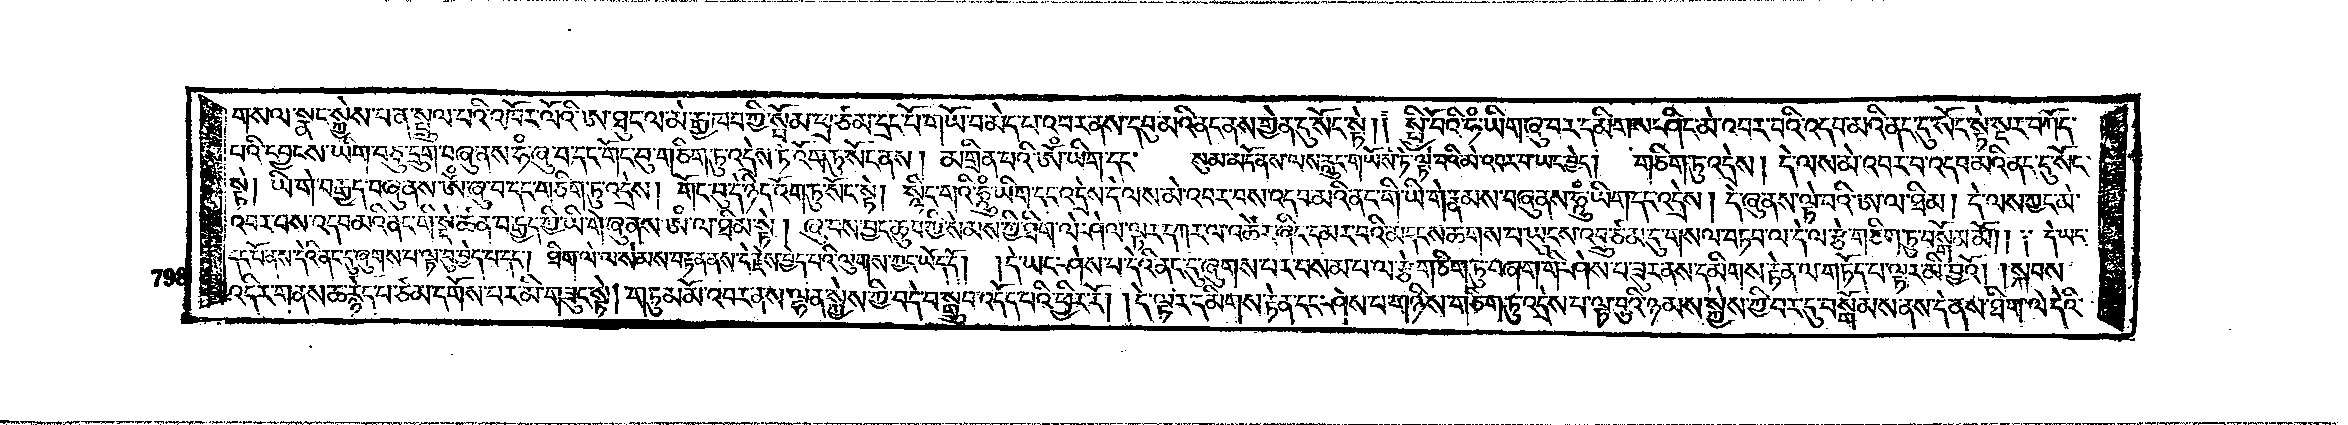གསལ་སྣང་སྐྱེས་པ་ན་སྤྲུལ་པའི་འཁོར་ལོའི་ཨ་ཐུང་ལ་མེ་རྒྱ་ཁབ་ཀྱི་སྦོམ་ཕྲ་ཙམ་དྲང་པོ་གཡོ་བ་མེད་པ་འབར་ནས་དབུ་མའི་ནང་ནས་གྱེན་དུ་སོང་སྟེ། སྤྱི་བོའི་ཧཾ་ཡིག་ཞུ་བར་དམིགས་ཤིང་མེ་འབར་བའི་འདབ་མའི་ནང་དུ་སོང་སྟེ་སྔར་བཀོད་
པའི་དབྱངས་ཡིག་བཅུ་དྲུག་བཞུ་ནས་ཧཾ་ཞུ་བ་དང་གོང་བུ་གཅིག་ཏུ་འདྲེས་ཏེ་འོག་ཏུ་སོང་ནས། མགྲིན་པའི་ཨོཾ་ཡིག་དང་སུམ་མདོ་ནས་ལས་རླུང་གཡོས་ཏེ་ལྟེ་བའི་མེ་འབར་བ་ཡང་བྱེད།  གཅིག་ཏུ་འདྲེས། དེ་ལས་མེ་འབར་བ་འདབ་མའི་ནང་དུ་སོང་
སྟེ། ཡི་གེ་བརྒྱད་བཞུ་ནས་ཨོཾ་ཞུ་བ་དང་གཅིག་ཏུ་འདྲེས། གོང་བུ་དེ་ཉིད་འོག་ཏུ་སོང་སྟེ། སྙིང་གའི་ཧཱུཾ་ཡིག་དང་འདྲེས་དེ་ལས་མེ་འབར་བས་འདབ་མའི་ནང་གི་ཡི་གེ་རྣམས་བཞུ་ནས་ཧཱུཾ་ཡིག་དང་འདྲེས། དེ་ཞུ་ནས་ལྟེ་བའི་ཨ་ལ་ཐིམ། དེ་ལས་ཀྱང་མེ་
འབར་བས་འདབ་མའི་ནང་གི་སྡེ་ཚན་བརྒྱད་ཀྱི་ཡི་གེ་ཞུ་ནས་ཨཾ་ལ་ཐིམ་སྟེ། ཞུ་བས་བྱང་ཆུབ་ཀྱི་སེམས་ཀྱི་ཐིག་ལེ་ཤེལ་ལྟར་དཀར་ལ་འཚེར་ཞིང་དམར་བའི་མདངས་ཆགས་པ་ཡུངས་འབྲུ་ཙམ་དུ་གསལ་བཏབ་ལ་དེ་ལ་རྩེ་གཅིག་ཏུ་བསྒོམ་མོ། ༈ དེ་ཡང་
དང་པོ་ནས་དེའི་ནང་དུ་ཞུགས་པ་ལྟ་བུ་བྱེད་པ་དང་། ཐིག་ལེ་ལ་སེམས་བརྟན་ནས་དེ་རྗེས་བྱེ་པའི་ལུགས་ཀྱང་ཡོད་དོ། །དེ་ཡང་ཤེས་པ་དེའི་ནང་དུ་ཞུགས་པར་བསམ་པ་ལ་རྩེ་གཅིག་ཏུ་བཞུག་གི་ཤེས་པ་ཟུར་ནས་དམིགས་རྟེན་ལ་གཏོད་པ་ལྟར་མི་བྱའོ། །སྐབས་
འདིར་གནས་ཆ་རྙེད་པ་ཙམ་དགོས་པར་མི་གཟུང་སྟེ། གཏུམ་མོ་འབར་ནས་ལྷན་སྐྱེས་ཀྱི་བདེ་བ་སྒྲུབ་འདོད་པའི་ཕྱིར་རོ། །དེ་ལྟར་དམིགས་རྟེན་དང་ཤེས་པ་གཉིས་གཅིག་ཏུ་འདྲེས་པ་ལྟ་བུའི་ཉམས་སྐྱེས་ཀྱི་བར་དུ་བསྒོམས་ནས་དེ་ནས་ཐིག་ལེ་དེའི་